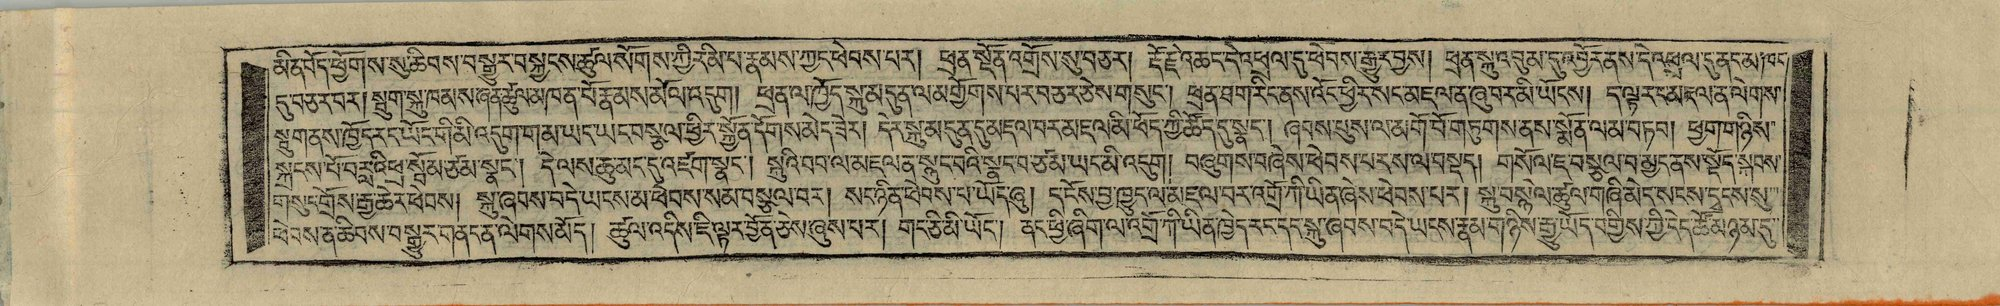མིན་བོད་ཕྱོགས་སུ་ཆིབས་བསྒྱུར་བསྐྱངས་ཚུལ་སོགས་ཀྱི་རིམ་པ་རྣམས་ཀྱང་ཕེབས་པར། ཕྲན་སྔོན་འགྲོས་སུ་བཅར། རྡོ་རྗེ་འཆང་དེ་འཕྲལ་དུ་ཕེབས་རྒྱུར་བྱས། ཕྲན་སྐུ་འབུམ་དུ་འབྱོར་ནས་དེ་འཕྲལ་དུ་ནང་མ་ཁང་
དུ་བཅར་བར། སྦུག་སྐུ་ཁམས་ཞན་ཚུལ་མཁན་པོ་རྣམས་མོལ་འདུག །ཕྲན་ལ་ཁྱོད་སྐུ་མདུན་ལ་མགྱོགས་པར་བཅར་ཅེས་གསུང་། ཕྲན་ཐག་རིང་ནས་འོང་ཕྱིར་སང་མཇལ་ན་ཞུ་བར་མི་ཡོངས། ད་ལྟ་རང་མཇལ་ན་ལེགས་
སྦུག་ནས་ཁྱོད་རང་ཡོང་གི་མི་འདུག་གམ་ཡང་ཡང་བསྩལ་ཕྱིར་སྐྱོན་དོགས་མེད་ཟེར། དེར་སྐུ་མདུན་དུ་མཇལ་བར་མཇལ་མི་ཕོད་ཀྱི་ཚོད་དུ་སྣང་། ཞབས་པུས་ལ་མགོ་བོ་གཏུགས་ནས་སྨོན་ལམ་བཏབ། ཕྱག་གཉིས་
སྐྲངས་པོ་བརླའི་ཕྲ་སྤོམ་ཙམ་སྣང་། དེ་ལས་ཆུ་མང་དུ་འཛག་སྣང་། སྐུའི་བབས་ལ་མཇལ་ན་སྙུང་བའི་སྣང་བ་ཙམ་ཡང་མི་འདུག །བཞུགས་བཞེས་ཕེབས་པར་ས་ལ་བསྡད། གསོལ་ཇ་བསྩལ་བ་མྱང་ནས་སྡོད་སྐབས་
གསུང་གྲོས་རྒྱ་ཆེར་ཕེབས། སྐུ་ཞབས་བདེ་ཡངས་མ་ཕེབས་སམ་བསྩལ་བར། སང་ཉིན་ཕེབས་པ་ཡོད་ཞུ། ད་ངོས་བྱ་ཁྱུང་ལ་མཇལ་བར་འགྲོ་ཀི་ཡིན་ཞེས་ཕེབས་པར། སྐུ་བསྙེལ་ཚུལ་གཞི་མེད་སངས་དྭངས་སུ་
ཕེབས་ན་ཆིབས་བསྒྱུར་གནང་ན་ལེགས་མོད། ཚུལ་འདིས་ཇི་ལྟར་བྱོན་ཅེས་ཞུས་པར། གང་ཅི་མི་ཡོང་། ནང་ཕྱི་ཞིག་ལ་འགྲོ་ཀི་ཡིན་ཁྱེད་རང་དང་སྐུ་ཞབས་བདེ་ཡངས་རྣམ་གཉིས་རྒྱུ་ཡོད་བགྱིས་ཀྱི་ངེད་ཚོ་མཉམ་དུ་